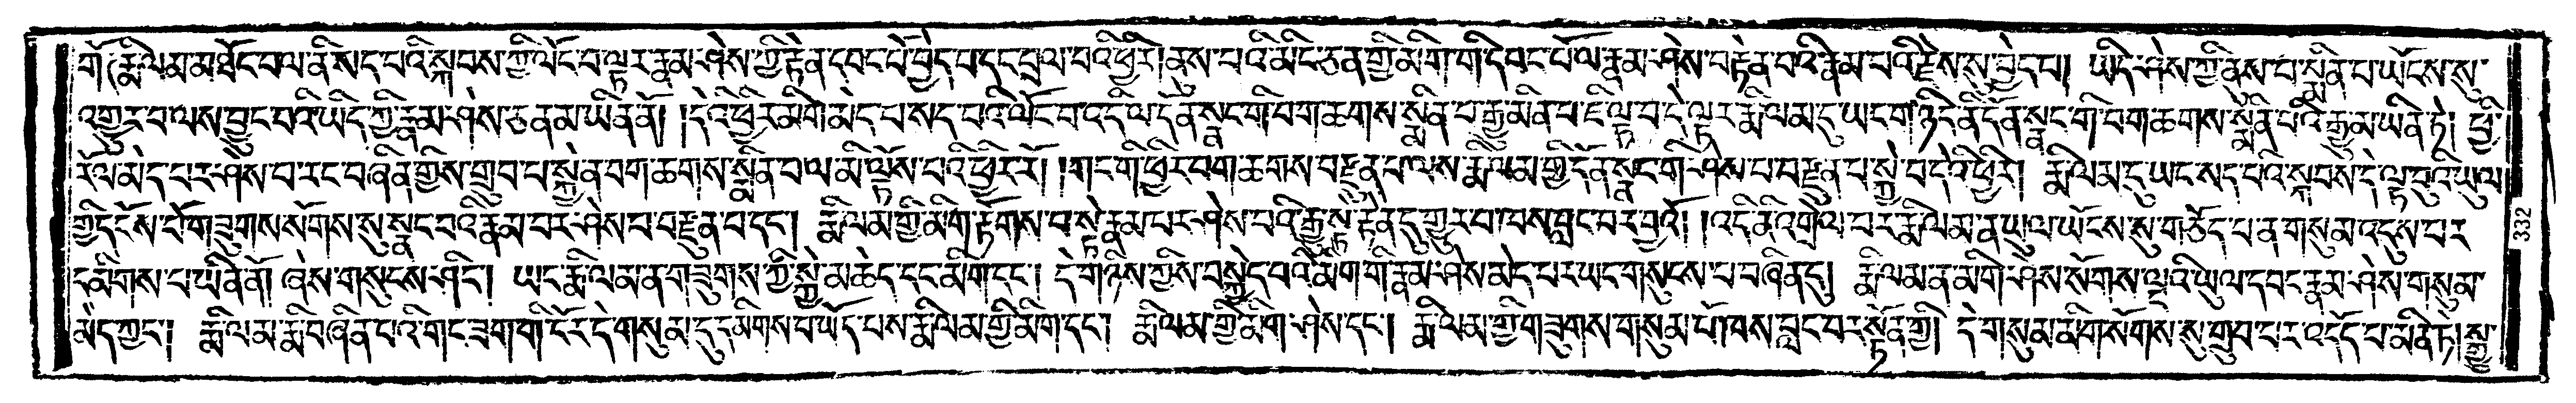གོ །རྨི་ལམ་མཐོང་བ་ལ་ནི་སད་པའི་སྐབས་ཀྱི་ལོང་བ་ལྟར་རྣམ་ཤེས་ཀྱི་རྟེན་དབང་པོ་བྱེད་པ་དང་བྲལ་བའི་ཕྱིར། ནུས་པའི་མིང་ཅན་གྱི་མིག་གི་དབང་པོ་ལ་རྣམ་ཤེས་བརྟེན་པའི་རྣམ་པའི་རྗེས་སུ་བྱེད་པ། ཡིད་ཤེས་ཀྱི་ནུས་པ་སྨིན་པ་ཡོངས་སུ་
འགྱུར་བ་ལས་བྱུང་བའི་ཡིད་ཀྱི་རྣམ་ཤེས་ཅན་མ་ཡིན་ནོ། །དེའི་ཕྱིར་མིག་མེད་པ་སད་པའི་ལོང་བ་འདི་ལ་དོན་སྣང་གི་བག་ཆགས་སྨིན་པ་རྒྱུ་མིན་པ་ཇི་ལྟ་བ་དེ་ལྟར་རྨི་ལམ་དུ་ཡང་གཉིད་ནི་དོན་སྣང་གི་བག་ཆགས་སྨིན་པའི་རྒྱུ་མ་ཡིན་ཏེ། ཕྱི་
རོལ་མེད་པར་ཤེས་པ་རང་བཞིན་གྱིས་གྲུབ་པ་སྐྱེ་ན་བག་ཆགས་སྨིན་པ་ལ་མི་ལྟོས་པའི་ཕྱིར་རོ། །གང་གི་ཕྱིར་བག་ཆགས་བརྫུན་པ་ལས་རྨི་ལམ་གྱི་དོན་སྣང་གི་ཤེས་པ་བརྫུན་པ་སྐྱེ་བ་དེའི་ཕྱིར། རྨི་ལམ་དུ་ཡང་སད་པའི་སྐབས་དེ་ལྟ་བུའི་ཡུལ་
གྱི་དངོས་པོ་གཟུགས་སོགས་སུ་སྣང་བའི་རྣམ་པར་ཤེས་པ་བརྫུན་པ་དང་། རྨི་ལམ་གྱི་མིག་རྟོགས་པ་སྟེ་རྣམ་པར་ཤེས་པའི་རྒྱུ་སྟེ་རྟེན་དུ་གྱུར་པ་ཁས་བླང་བར་བྱའོ། །འདི་ནི་འགྲེལ་པར་རྨི་ལམ་ན་ཡུལ་ཡོངས་སུ་གཅོད་པ་ན་གསུམ་འདུས་པར་
དམིགས་པ་ཡིན་ནོ། ཞེས་གསུངས་ཤིང་། ཡང་རྨི་ལམ་ན་གཟུགས་ཀྱི་སྐྱེ་མཆེད་དང་མིག་དང་། དེ་གཉིས་ཀྱིས་བསྐྱེད་པའི་མིག་གི་རྣམ་ཤེས་མེད་པར་ཡང་གསུངས་པ་བཞིན་དུ། རྨི་ལམ་ན་མིག་ཤེས་སོགས་ལྔའི་ཡུལ་དབང་རྣམ་ཤེས་གསུམ་
མེད་ཀྱང་། རྨི་ལམ་རྨི་བཞིན་པའི་གང་ཟག་གི་ངོར་དེ་གསུམ་དུ་དམིགས་པ་ཡོད་པས་རྨི་ལམ་གྱི་མིག་དང་། རྨི་ལམ་གྱི་མིག་ཤེས་དང་། རྨི་ལམ་གྱི་གཟུགས་གསུམ་པོ་ཁས་བླང་བར་སྟོན་གྱི། དེ་གསུམ་མིག་སོགས་སུ་གྲུབ་པར་འདོད་པ་མིན་ཏེ། སྒྱུ་